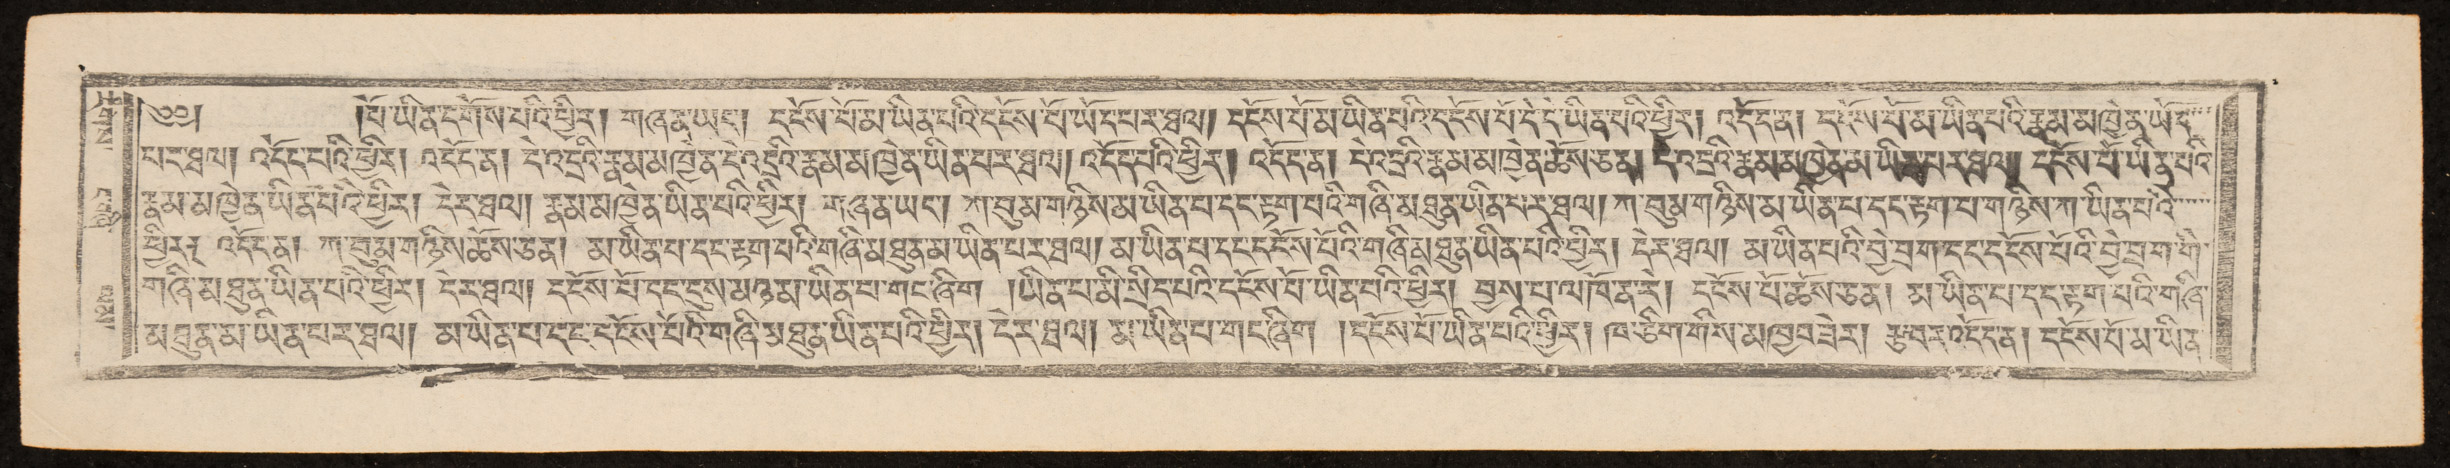༄༅། །པོ་ཡིན་དགོས་པའི་ཕྱིར། གཞན་ཡང་། དངོས་པོ་མ་ཡིན་པའི་དངོས་པོ་ཡོད་པར་ཐལ། དངོས་པོ་མ་ཡིན་པའི་དངོས་པོ་དེ་དེ་ཡིན་པའི་ཕྱིར། འདོད་ན། དངོས་པོ་མ་ཡིན་པའི་རྣམ་མཁྱེན་ཡོད་
པར་ཐལ། འདོད་པའི་ཕྱིར། འདོད་ན། དེ་འདྲའི་རྣམ་མཁྱེན་དེ་འདྲའི་རྣམ་མཁྱེན་ཡིན་པར་ཐལ། འདོད་པའི་ཕྱིར། འདོད་ན། དེ་འདྲའི་རྣམ་མཁྱེན་ཆོས་ཅན། དེ་འདྲའི་རྣམ་མཁྱེན་མ་ཡིན་པར་ཐལ། དངོས་པོ་ཡིན་པའི་
རྣམ་མཁྱེན་ཡིན་པའི་ཕྱིར། དེར་ཐལ། རྣམ་མཁྱེན་ཡིན་པའི་ཕྱིར། གཞན་ཡང་། །ཀ་བུམ་གཉིས་མ་ཡིན་པ་དང་རྟག་པའི་གཞི་མཐུན་ཡིན་པར་ཐལ། ཀ་བུམ་གཉིས་མ་ཡིན་པ་དང་རྟག་པ་གཉིས་ཀ་ཡིན་པའི་
ཕྱིར། འདོད་ན། ཀ་བུམ་གཉིས་ཆོས་ཅན། མ་ཡིན་པ་དང་རྟག་པ་དང་གཞི་མཐུན་མ་ཡིན་པར་ཐལ། མ་ཡིན་པ་དང་དངོས་པོའི་གཞི་མཐུན་ཡིན་པའི་ཕྱིར། དེར་ཐལ། མ་ཡིན་པའི་བྱེ་བྲག་དང་དངོས་པོའི་བྱེ་བྲག་གི་
གཞི་མཐུན་ཡིན་པའི་ཕྱིར། དེར་ཐལ། དངོས་པོ་དང་དུས་མཉམ་ཡིན་པ་གང་ཞིག། ཡིན་པ་མི་སྲིད་པའི་དངོས་པོ་ཡིན་པའི་ཕྱིར། བྱས་པ་ལ་ཁོ་ན་རེ། དངོས་པོ་ཆོས་ཅན། མ་ཡིན་པ་དང་རྟག་པའི་གཞི་
མཐུན་མ་ཡིན་པར་ཐལ། མ་ཡིན་པ་དང་དངོས་པོའི་གཞི་མཐུན་ཡིན་པའི་ཕྱིར། དེར་ཐལ། མ་ཡིན་པ་གང་ཞིག། དངོས་པོ་ཡིན་པའི་ཕྱིར། ཁ་ཅིག་མ་ཁྱབ་ཟེར། རྩ་བར་འདོད་ན། དངོས་པོ་མ་ཡིན་